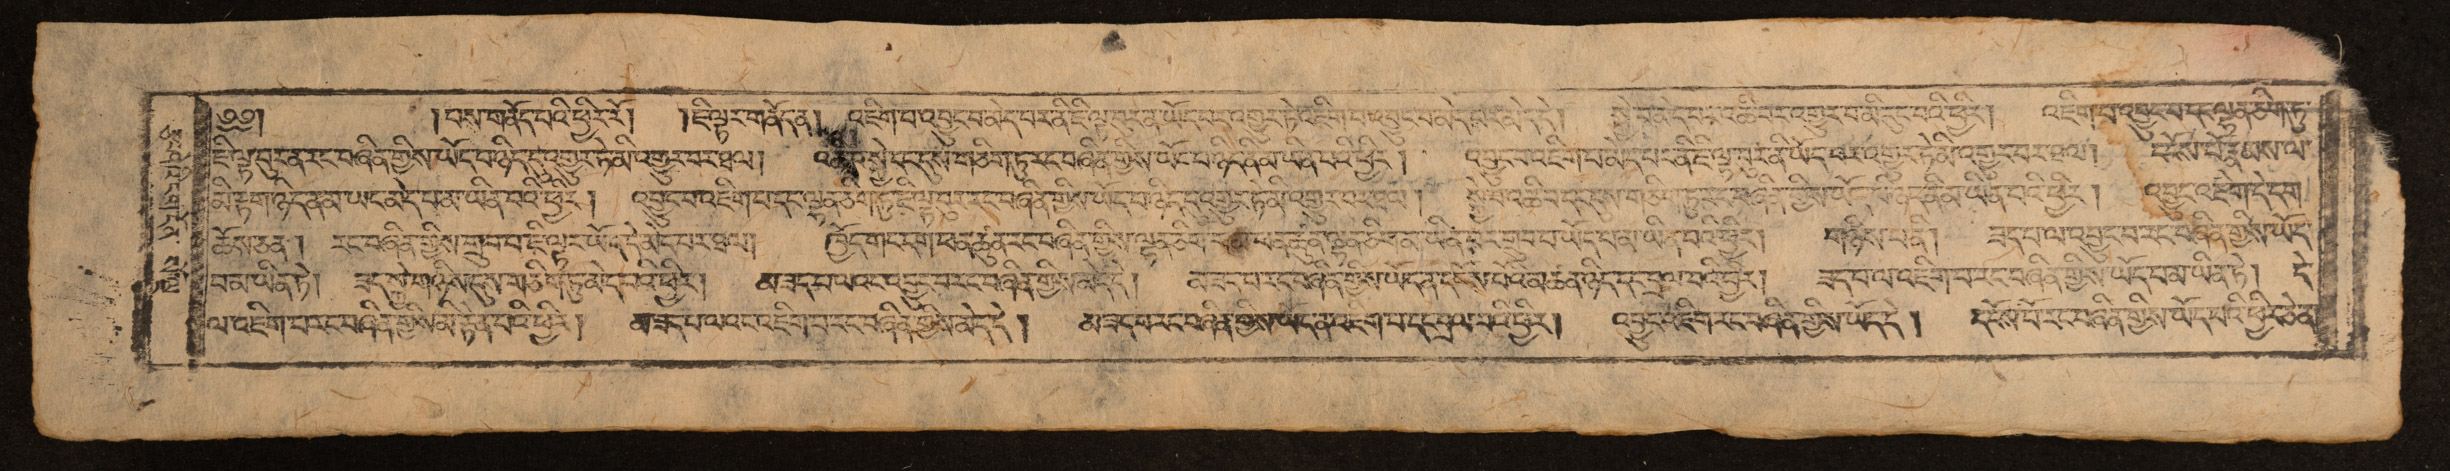༄༅། །པས་གནོད་པའི་ཕྱིར་རོ། །ཇི་ལྟར་གནོད་ན། འཇིག་པ་འབྱུང་བ་མེད་པར་ནི་ཇི་ལྟ་བུར་ན་ཡོད་པར་འགྱུར་ཏེ་འཇིག་པ་འབྱུང་བ་མེད་པར་མེད་དེ། སྐྱེ་བ་མེད་པར་འཆི་བར་འགྱུར་བ་མི་རུང་བའི་ཕྱིར། འཇིག་པ་འབྱུང་བ་དང་ལྷན་ཅིག་ཏུ་
ཇི་ལྟ་བུར་ན་རང་བཞིན་གྱིས་ཡོད་པ་ཉིད་དུ་འགྱུར་ཏེ་མི་འགྱུར་བར་ཐལ། འཆི་བ་སྐྱེ་དང་དུས་གཅིག་ཏུ་རང་བཞིན་གྱིས་ཡོད་པ་ཉིད་ནི་མ་ཡིན་པའི་ཕྱིར། འབྱུང་བ་འཇིག་པ་མེད་པར་ནི་ཇི་ལྟ་བུར་ནི་ཡོད་པར་འགྱུར་ཏེ་མི་འགྱུར་བར་ཐལ། དངོས་པོ་རྣམས་ལ་
མི་རྟག་ཉིད་ནམ་ཡང་མེད་པ་མ་ཡིན་པའི་ཕྱིར། འབྱུང་བ་འཇིག་པ་དང་ལྷན་ཅིག་ཏུ་ཇི་ལྟ་བུར་རང་བཞིན་གྱིས་ཡོད་པ་ཉིད་དུ་འགྱུར་ཏེ་མི་འགྱུར་བར་ཐལ། སྐྱེ་བ་འཆི་བ་དང་དུས་གཅིག་ཏུ་རང་བཞིན་གྱིས་ཡོད་པ་ཉིད་ནི་མ་ཡིན་པའི་ཕྱིར། འབྱུང་འཇིག་དེ་དག་
ཆོས་ཅན། རང་བཞིན་གྱིས་གྲུབ་པ་ཇི་ལྟར་ཡོད་དེ་མེད་པར་ཐལ། ཁྱོད་གང་དག་ཕན་ཚུན་རང་བཞིན་གྱིས་ལྷན་ཅིག་གམ་ཕན་ཚུན་ལྷན་ཅིག་མ་ཡིན་པར་གྲུབ་པ་ཡོད་པ་མ་ཡིན་པའི་ཕྱིར། གཉིས་པ་ནི། ཟད་པ་ལ་འབྱུང་བ་རང་བཞིན་གྱིས་ཡོད་
པ་མ་ཡིན་ཏེ། ཟད་སྐྱེ་གཉིས་དུས་གཅིག་ཏུ་མེད་པའི་ཕྱིར། མ་ཟད་པ་ལའང་འབྱུང་བ་རང་བཞིན་གྱིས་མེད་དེ། མ་ཟད་པ་རང་བཞིན་གྱིས་ཡོད་ན་དངོས་པོའི་མཚན་ཉིད་དང་བྲལ་བའི་ཕྱིར། ཟད་པ་ལ་འཇིག་པ་རང་བཞིན་གྱིས་ཡོད་པ་མ་ཡིན་ཏེ། དེ་
ལ་འཇིག་པ་རང་བཞིན་གྱིས་མི་རྟེན་པའི་ཕྱིར། མ་ཟད་པ་ལའང་འཇིག་པ་རང་བཞིན་གྱིས་མེད་དེ། མ་ཟད་པ་རང་བཞིན་གྱིས་ཡོད་ན་འཇིག་པ་དང་བྲལ་བའི་ཕྱིར། འབྱུང་འཇིག་རང་བཞིན་གྱིས་ཡོད་དེ། དངོས་པོ་རང་བཞིན་གྱིས་ཡོད་པའི་ཕྱིར་ཅེ་ན་